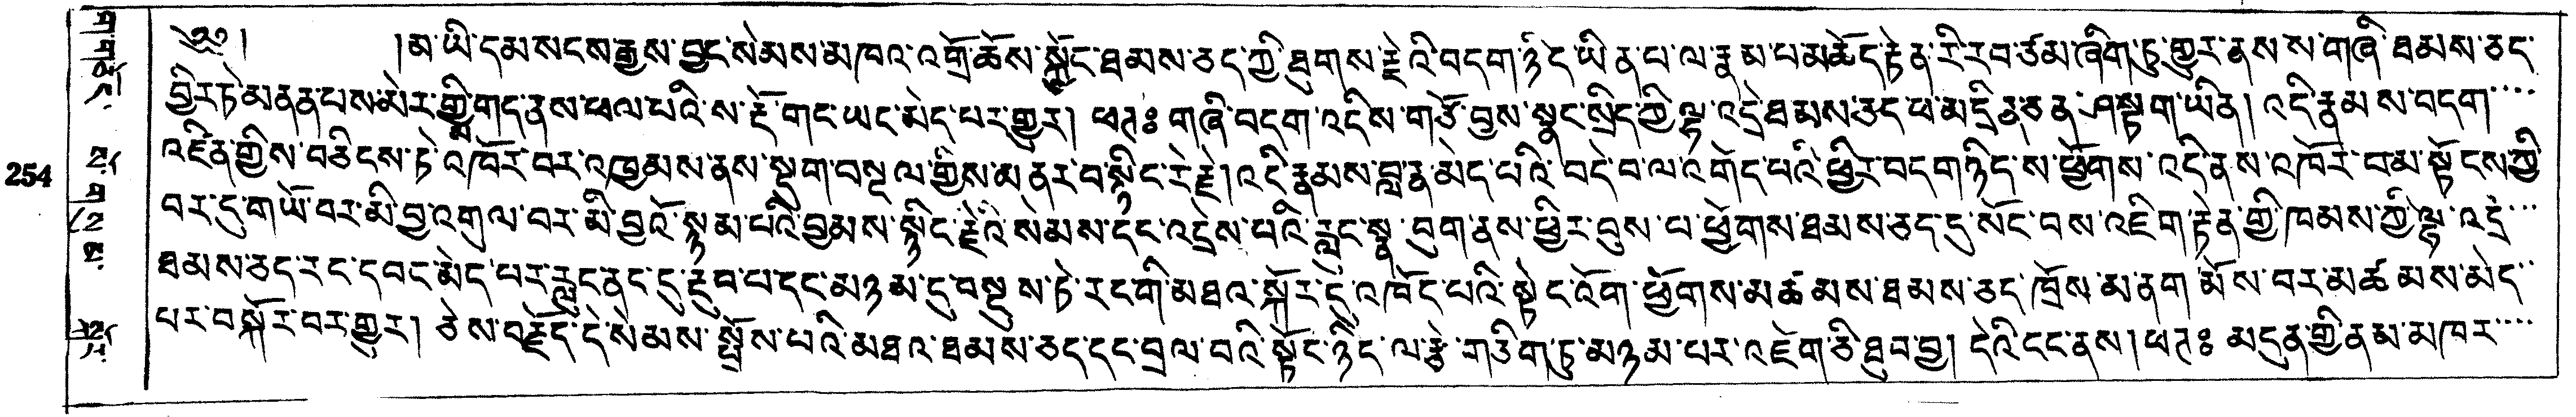༄༅། །མ་ཡི་དམ་སངས་རྒྱས་བྱང་སེམས་མཁའ་འགྲོ་ཆོས་སྐྱོང་ཐམས་ཅད་ཀྱི་ཐུགས་རྗེའི་བདག་ཉིད་ཡིན་པ་ལ་རྣམ་པ་མཆོད་རྟེན་རི་རབ་ཙམ་ཞིག་ཏུ་གྱུར་ནས་ས་གཞི་ཐམས་ཅད་
བྱིར་ཏེ་མནན་པས་མེར་གྱི་མ་གད་ནས་ཕལ་པའི་ས་རྡོ་གང་ཡང་མེད་པར་གྱུར། ཕཊཿ གཞི་བདག་འདིས་གཙོ་བྱས་སྣང་སྲིད་ཀྱི་ལྷ་འདྲེ་ཐམས་ཅད་ཕ་མ་དྲིན་ཅན་ཤ་སྟག་ཡིན། འདི་རྣམས་བདག་
འཛིན་གྱིས་བཅིངས་ཏེ་འཁོར་བར་འཁྱམས་ནས་སྡུག་བསྔལ་གྱིས་མནར་བ་སྙིང་རེ་རྗེ། འདི་རྣམས་བླ་ན་མེད་པའི་བདེ་བ་ལ་འགོད་པའི་ཕྱིར་བདག་ཉིད་ས་ཕྱོགས་འདི་ནས་འཁོར་བ་མ་སྟོངས་ཀྱི་
བར་དུ་གཡོ་བར་མི་བྱ་འགུལ་བར་མི་བྱའོ་སྙམ་པའི་བྱམས་སྙིང་རྗེའི་སེམས་དང་འདྲེས་པའི་རླུང་སྣ་བུག་ནས་ཕྱིར་བུས་པ་ཕྱོགས་ཐམས་ཅད་དུ་སོང་བས་འཇིག་རྟེན་གྱི་ཁམས་ཀྱི་ལྷ་འདྲེ་
ཐམས་ཅད་རང་དབང་མེད་པར་རླུང་ནང་དུ་རྡུབ་པ་དང་མཉམ་དུ་བསྡུས་ཏེ་རང་གི་མཐའ་སྐོར་དུ་འཁོད་པའི་སྟེང་འོག་ཕྱོགས་མཚམས་ཐམས་ཅད་ཁྲོས་མ་ནག་མོས་བར་མཚམས་མེད་
པར་བསྐོར་བར་གྱུར། ཅེས་བརྗོད་དེ་སེམས་སྤྲོས་པའི་མཐའ་ཐམས་ཅད་དང་བྲལ་བའི་སྟོང་ཉིད་ལ་རྩེ་གཅིག་ཏུ་མཉམ་པར་འཇོག་ཅི་ཐུབ་བྱ། དེའི་ངང་ནས། ཕཊཿ མདུན་གྱི་ནམ་མཁར་